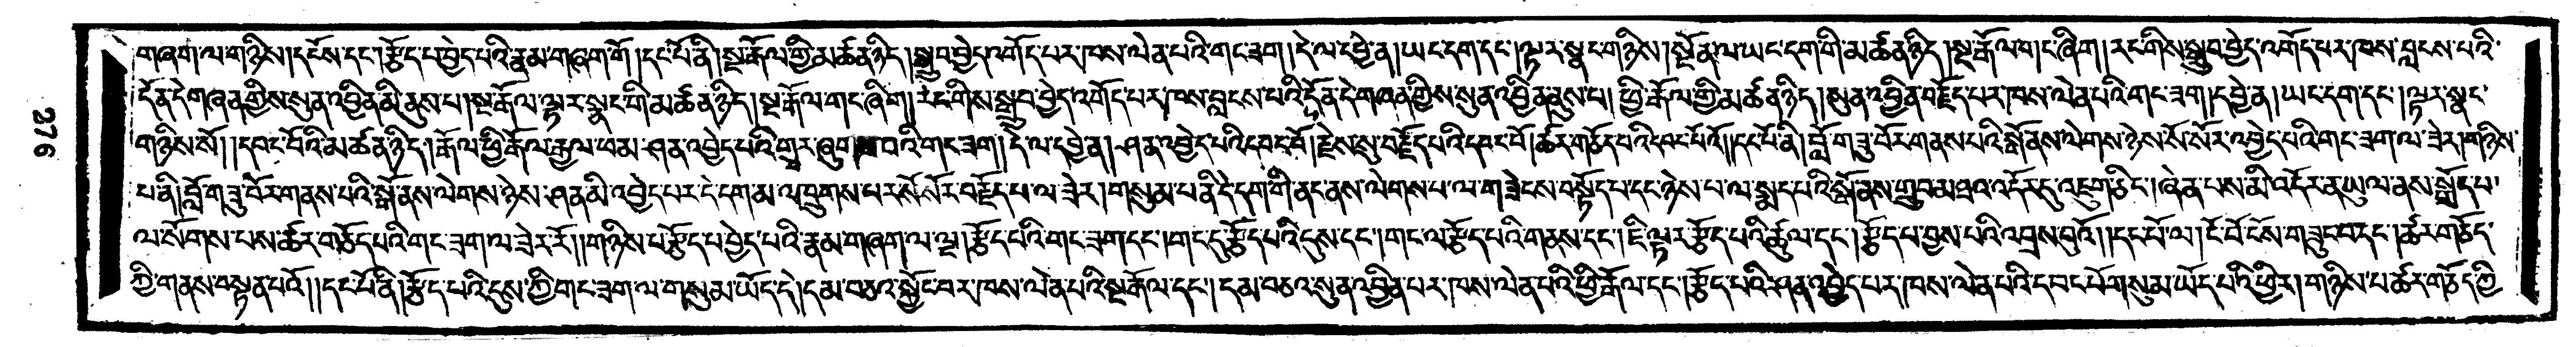གཞག་ལ་གཉིས། དངོས་དང་། རྩོད་པ་བྱེད་པའི་རྣམ་གཞག་གོ། དང་པོ་ནི། སྔ་རྒོལ་གྱི་མཚན་ཉིད། སྒྲུབ་བྱེད་འགོད་པར་ཁས་ལེན་པའི་གང་ཟག་དེ་ལ་དབྱེ་ན། ཡང་དག་དང་། ལྟར་སྣང་གཉིས། སྔ་རྒོལ་ཡང་དག་གི་མཚན་ཉིད། སྔ་རྒོལ་གང་ཞིག །རང་གིས་སྒྲུབ་བྱེད་འགོད་པར་ཁས་བླངས་པའི་
དོན་དེ་གཞན་གྱིས་སུན་འབྱིན་མི་ནུས་པ། སྔ་རྒོལ་ལྟར་སྣང་གི་མཚན་ཉིད། སྔ་རྒོལ་གང་ཞིག །རང་གིས་སྒྲུབ་བྱེད་འགོད་པར་ཁས་བླངས་པའི་དོན་དེ་གཞན་གྱིས་སུན་འབྱིན་ནུས་པ། ཕྱི་རྒོལ་གྱི་མཚན་ཉིད། སུན་འབྱིན་བརྗོད་པར་ཁས་ལེན་པའི་གང་ཟག །དབྱེ་ན། ཡང་དག་དང་། ལྟར་སྣང་
གཉིས་སོ། །དབང་པོའི་མཚན་ཉིད། རྒོལ་ཕྱི་རྒོལ་རྒྱལ་ཕམ་ཤན་འབྱེད་པའི་གྲཝར་?་ཞུགས་པའི་གང་ཟག །དེ་ལ་དབྱེ་ན། ཤན་འབྱེད་པའི་དབང་པོ། རྗེས་སུ་བརྗོད་པའི་དབང་པོ། ཚར་གཅོད་པའི་དབང་པོའོ། །དང་པོ་ནི། བློ་གཟུ་བོར་གནས་པའི་སྒོ་ནས་ལེགས་ཉེས་སོ་སོར་འབྱེད་པའི་གང་ཟག་ལ་ཟེར། གཉིས་
པ་ནི། བློ་གཟུ་བོར་གནས་པའི་སྒོ་ནས་ལེགས་ཉེས་ཤན་མི་འབྱེད་པར་དེ་དག་མ་འཁྲུགས་པར་སོ་སོར་བརྗོད་པ་ལ་ཟེར། གསུམ་པ་ནི་དེ་དག་གི་ནང་ནས་ལེགས་པ་ལ་གཟེངས་བསྟོད་པ་དང་ཉེས་པ་ལ་སྨད་པའི་སྒོ་ནས་གྲུབ་མཐའ་འདོར་དུ་འཇུག་ཅིང་། ཞེན་པས་མི་འདོར་ན་ཡུལ་ནས་སྐྲོད་པ་
ལ་སོགས་པས་ཚར་གཅོད་པའི་གང་ཟག་ལ་ཟེར་རོ། །གཉིས་པ་རྩོད་པ་བྱེད་པའི་རྣམ་གཞག་ལ་ལྔ། རྩོད་པའི་གང་ཟག་དང་། གང་དུ་རྩོད་པའི་དུས་དང་། གང་ལ་རྩོད་པའི་གནས་དང་། ཇི་ལྟར་རྩོད་པའི་ཚུལ་དང་། རྩོད་པ་བྱས་པའི་འབྲས་བུའོ། །དང་པོ་ལ། ངོ་བོ་ངོས་གཟུང་བ་དང་། ཚར་གཅོད་
ཀྱི་གནས་བསྟན་པའོ། །དང་པོ་ནི། རྩོད་པའི་དུས་ཀྱི་གང་ཟག་ལ་གསུམ་ཡོད་དེ། དམ་བཅའ་སྐྱོང་བར་ཁས་ལེན་པའི་སྔ་རྒོལ་དང་། དམ་བཅའ་སུན་འབྱིན་པར་ཁས་ལེན་པའི་ཕྱི་རྒོལ་དང་། རྩོད་པའི་ཤན་འབྱེད་དང་?་ཁས་ལེན་པའི་དབང་པོ་གསུམ་ཡོད་པའི་ཕྱིར། གཉིས་པ་ཚར་གཅོད་ཀྱི་